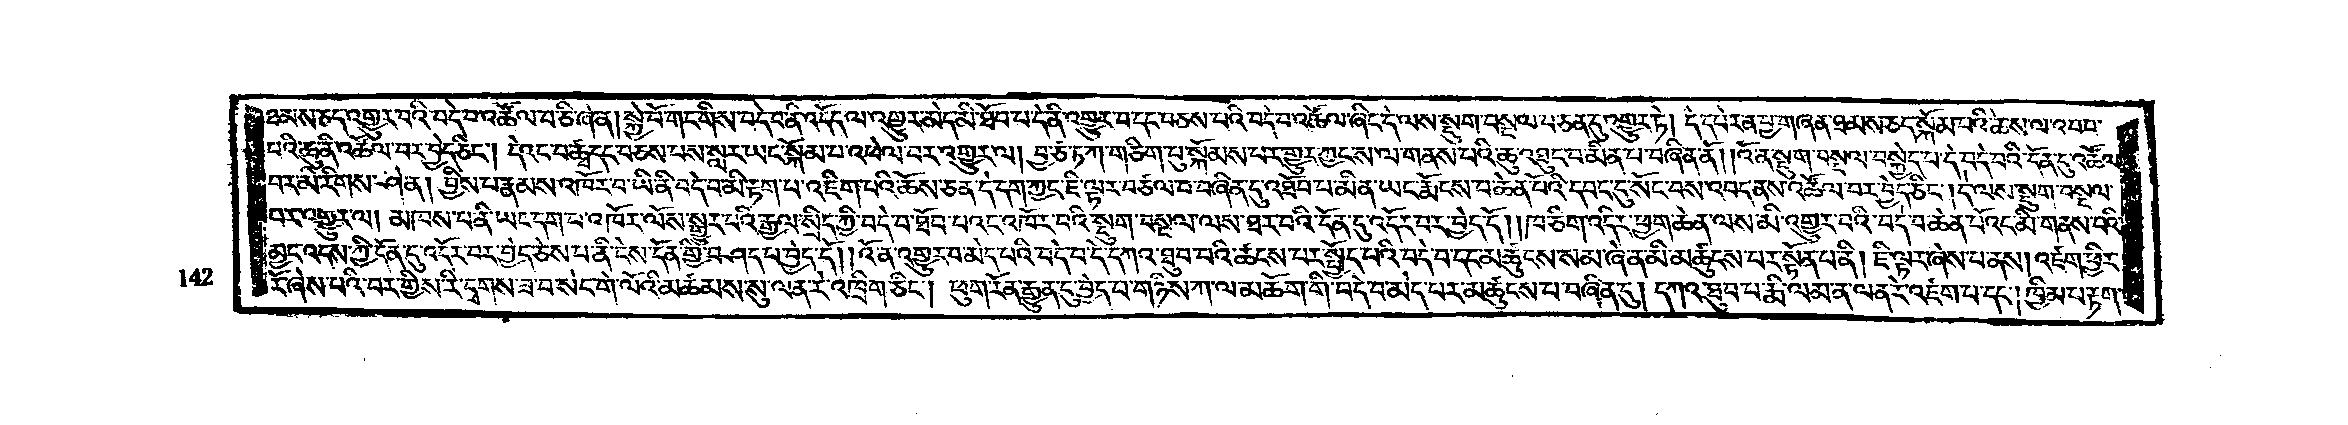ཐམས་ཅད་འགྱུར་བའི་བདེ་བ་འཚོལ་བ་ཅི་ཞེ་ན། སྐྱེ་བོ་གང་གིས་བདེ་བ་ནི་འདོད་ལ་འགྱུར་མེད་མི་ཐོབ་པ་དེ་ནི་འགྱུར་བ་དང་བཅས་པའི་བདེ་བ་འཚོལ་ཞིང་དེ་ལས་སྡུག་བསྔལ་བ་ཅན་དུ་འགྱུར་ཏེ། དེ་དཔེར་ན་བྱ་གཞན་ཐམས་ཅད་སྐོམ་པའི་ཚེ་ས་ལ་འབབ་
པའི་ཆུ་ནི་འཚོལ་བར་བྱེད་ཅིང་། དེའང་བ་ཚྭ་དང་བཅས་པས་སླར་ཡང་སྐོམ་པ་འཕེལ་བར་འགྱུར་ལ། བྱ་ཙ་ཏ་ཀ་གཅིག་པུ་སྐོམས་པར་གྱུར་ཀྱང་ས་ལ་གནས་པའི་ཆུ་འཐུང་བ་མིན་པ་བཞིན་ནོ། །འོ་ན་སྡུག་བསྔལ་བསྐྱེད་པ་དེ་བདེ་བའི་དོན་དུ་འཚོལ་
བར་མི་རིགས་ཤེ་ན། བྱིས་པ་རྣམས་འཁོར་བ་ཡི་ནི་བདེ་བ་མི་རྟག་པ་འཇིག་པའི་ཆོས་ཅན་དེ་དག་ཀྱང་ཇི་ལྟར་བཙལ་བ་བཞིན་དུ་འཐོབ་པ་མིན་ཡང་རྨོངས་པ་ཆེན་པོའི་དབང་དུ་སོང་བས་འབད་ནས་འཚོལ་བར་བྱེད་ཅིང་། དེ་ལས་སྡུག་བསྔལ་
བར་འགྱུར་ལ། མཁས་པ་ནི་ཡང་དག་པ་འཁོར་ལོས་སྒྱུར་པའི་རྒྱལ་སྲིད་ཀྱི་བདེ་བ་ཐོབ་པའང་འཁོར་བའི་སྡུག་བསྔལ་ལས་ཐར་བའི་དོན་དུ་འདོར་བར་བྱེད་དོ། །ཁ་ཅིག་འདིར་ཕྱག་ཆེན་ལས་མི་འགྱུར་བའི་བདེ་བ་ཆེན་པོའང་མི་གནས་པའི་
མྱང་འདས་ཀྱི་དོན་དུ་འདོར་བར་བྱེད་ཅེས་པ་ནི་ངེས་དོན་གྱི་བཤད་པ་བྱེད་དོ། །འོ་ན་འགྱུར་བ་མེད་པའི་བདེ་བ་དེ་དཀའ་ཐུབ་པའི་ཚངས་པར་སྤྱོད་པའི་བདེ་བ་དང་མཚུངས་སམ་ཞེ་ན་མི་མཚུངས་པར་སྟོན་པ་ནི། ཇི་ལྟར་ཞེས་པ་ནས། འཛག་ཕྱིར་
རོ་ཞེས་པའི་བར་གྱིས་རི་དྭགས་ཟ་བ་སེང་གེ་ལོའི་མཚམས་སུ་ལན་རེ་འཁྲིག་ཅིང་། ཕུག་རོན་རྒྱུན་དུ་བྱེད་པ་གཉིས་ཀ་ལ་མཆོག་གི་བདེ་བ་མེད་པར་མཚུངས་པ་བཞིན་དུ། དཀའ་ཐུབ་པ་རྨི་ལམ་ན་ལན་རེ་འཛག་པ་དང་། ཁྱིམ་པ་རྟག་